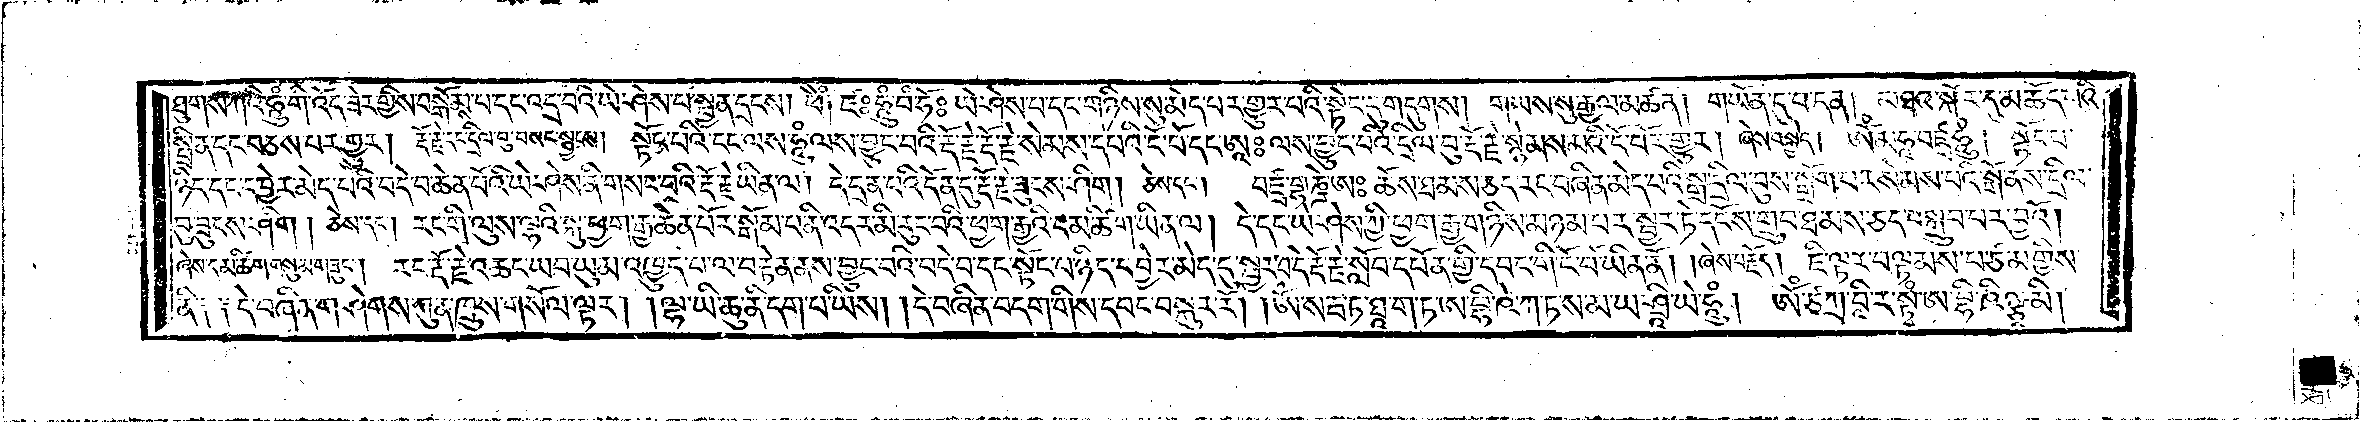ཐུགས་ཀའི་ཧཱུཾ་གི་འོད་ཟེར་གྱིས་བསྒོམ་པ་དང་འདྲ་བའི་ཡེ་ཤེས་པ་སྤྱན་དྲངས། ཕཻཾ༑ ཛཿཧཱུཾ་བཾ་ཧོཿཡེ་ཤེས་པ་དང་གཉིས་སུ་མེད་པར་གྱུར་པའི་སྟེང་དུ་གདུགས། གཡས་སུ་རྒྱལ་མཚན། གཡོན་དུ་བ་དན། མཐས་སྐོར་དུ་མཆོད་པའི་
སྤྲིན་དང་བཅས་པར་གྱུར། རྡོ་རྗེ་དང་དྲིལ་བུ་བསང་སྦྱངས།  སྟོང་པའི་ངང་ལས་ཧཱུཾ་ལས་བྱུང་བའི་རྡོ་རྗེ་རྡོ་སེམས་དཔའི་ངོ་བོ་དང་ཨཱཿལས་བྱུང་བའི་དྲིལ་བུ་རྡོ་རྗེ་སྙེམས་པའི་ངོ་བོར་གྱུར། ཞེས་བསྐྱེད། ཨོཾ་མཧཱ་བཛྲ་ཧཱུཾ། སྟོང་པ་
ཉིད་དང་དབྱེར་མེད་པའི་བདེ་བ་ཆེན་པོའི་ཡེ་ཤེས་ནི་གསང་བའི་རྡོ་རྗེ་ཡིན་ལ། དེ་དྲན་པའི་དོན་དུ་རྡོ་རྗེ་ཟུངས་ཤིག། ཅེས་དང་།  བཛྲ་གྷཎྜེ་ཨཿཆོས་ཐམས་ཅད་རང་བཞིན་མེད་པའི་སྒྲ་དྲིལ་བུས་སྒྲོག་པར་སེམས་པའི་སྒོ་ནས་དྲིལ་
བུ་ཟུངས་ཤིག ། ཅེས་དང་།  རང་གི་ལུས་ལྷའི་སྐུ་ཕྱག་རྒྱ་ཆེན་པོར་སྒོམ་པ་ནི་འདར་མི་རུང་བའི་ཕྱག་རྒྱའི་དམ་ཚིག་ཡིན་ལ། དེ་དང་ཡེ་ཤེས་ཀྱི་ཕྱག་རྒྱ་གཉིས་མཉམ་པར་སྦྱར་ཏེ་དངོས་གྲུབ་ཐམས་ཅད་བསྒྲུབ་པར་བྱའོ།
ཞེས་དམ་ཚིག་གསུམ་གཟུང་།  རང་རྡོ་རྗེ་འཆང་ཡབ་ཡུམ་འཁྱུད་པ་ལ་བརྟེན་ནས་བྱུང་བའི་བདེ་བ་དང་སྟོང་པ་ཉིད་དབྱེར་མེད་དུ་སྦྱར་བ་དེ་རྡོ་རྗེ་སློབ་དཔོན་གྱི་དབང་གི་ངོ་བོ་ཡིན་ནོ། །ཞེས་བརྗོད།  ཇི་ལྟར་བལྟམས་པ་ཙམ་གྱིས་
ནི༑ ༑དེ་བཞིན་གཤེགས་ཀུན་ཁྲུས་གསོལ་ལྟར། །ལྷ་ཡི་ཆུ་ནི་དག་པ་ཡིས། །དེ་བཞིན་བདག་གིས་དབང་བསྐུར་རོ། །ཨོཾ་སརྦ་ཏ་ཐཱ་ག་ཏ་ཨ་བྷི་ཥེ་ཀ་ཏ་ས་མ་ཡ་ཤྲཱི་ཡེ་ཧཱུཾ། ཨོཾ་ཙཀྲ་བཱི་ར་སྟྭཾ་ཨ་བྷི་ཥི་རྩཱ་མི།